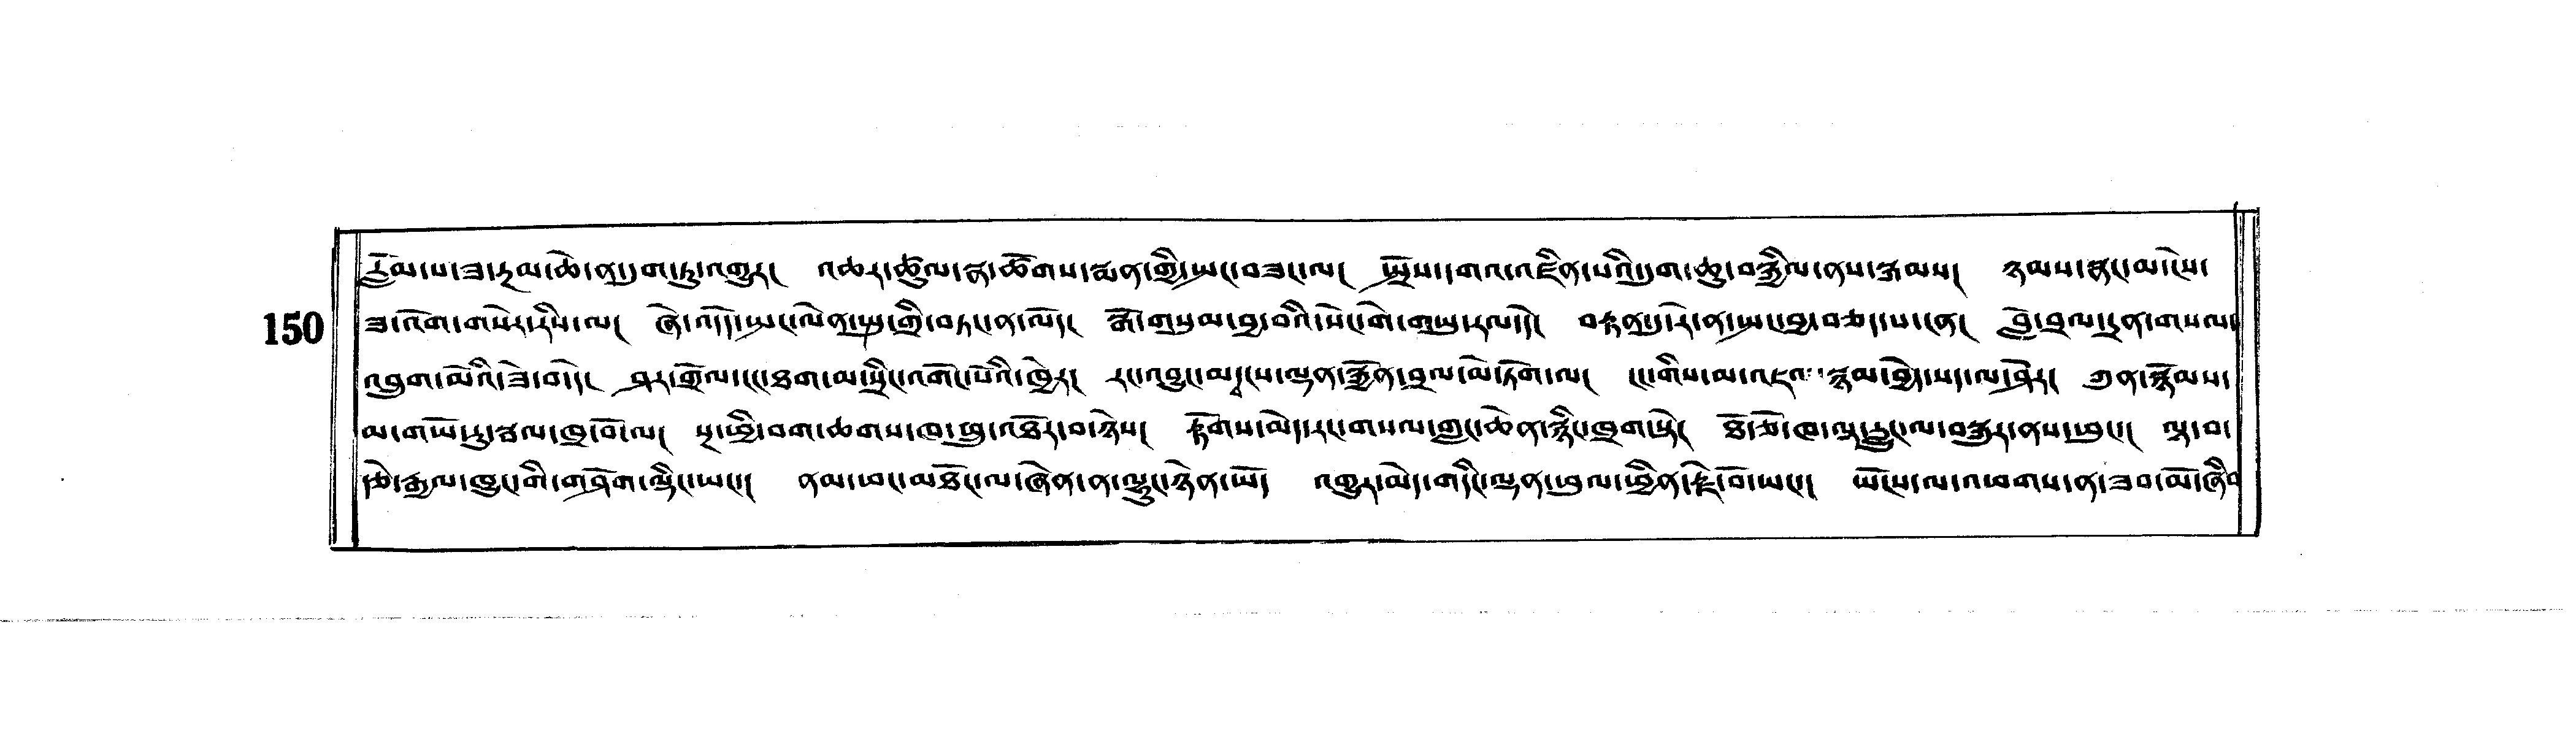རློམ་པ་ཟ་རྔམ་ཆེ་ན་དུག་ཏུ་འགྱུར། འཆར་ཚུལ་སྣ་ཚོགས་སྨན་གྱི་སྤང་བཟང་ལ། སྤྲོས་དགའ་འཛིན་པའི་དུག་ཆུ་བསྐྱིལ་ནས་སྐམས། ཉམས་སྣང་མ་ངེས་
ཟ་འོག་གསེར་རིས་ལ། ཞེ་འདོད་སྤང་ལེན་སྤུ་གྲི་བཏང་ན་ལོད། སྒོ་གསུམ་བྱ་བའི་སེང་གེ་གཡུ་རལ་དེ། བརྟན་དུ་རེ་ན་སྤང་བྱ་བཅད་པ་ངན། བློ་བྲལ་དྲན་གསལ་
འབྲུག་མོའི་ཟེ་བ་དེ། ཤར་གྲོལ་ངང་ཐག་མ་བསྲིང་འགོང་པོའི་ཁྱེར། རང་འབྱུང་མདངས་ལྡན་སྐྱོན་བྲལ་མེ་ཏོག་ལ། ངང་གིས་མ་མཇལ་སྙམ་བྱེད་སད་ལ་ཤོར། ཀུན་སྙོམས་
མ་གཡོ་རུས་སྦལ་ཁྲ་བོ་ལ། སྔ་ཕྱི་བག་ཆགས་ཁ་ཕྲུ་འཐོར་བ་ཉེས། རྟོགས་མེད་རང་གསལ་གླང་ཆེན་སྙིང་ཁྲག་སྟེ། ཐོ་ཅོ་ཁ་ལྟ་རླུང་ལ་བསྐུར་ནས་ཕུང་། ལྟ་བ་
རྩེ་རྒྱལ་ཁྱུང་གི་གཤོག་ལྡིང་ཡང་། ནམ་འཕང་མཐོང་ལ་ཞེན་ན་ལྟུང་ཉེན་ཡོད། འགྱུར་མེད་གདེང་ལྡན་ཕུལ་ཕྱིན་རྗེ་བོ་མང་། ཡོངས་ལ་འཕགས་ན་ཟབ་མོ་ཞིབ་